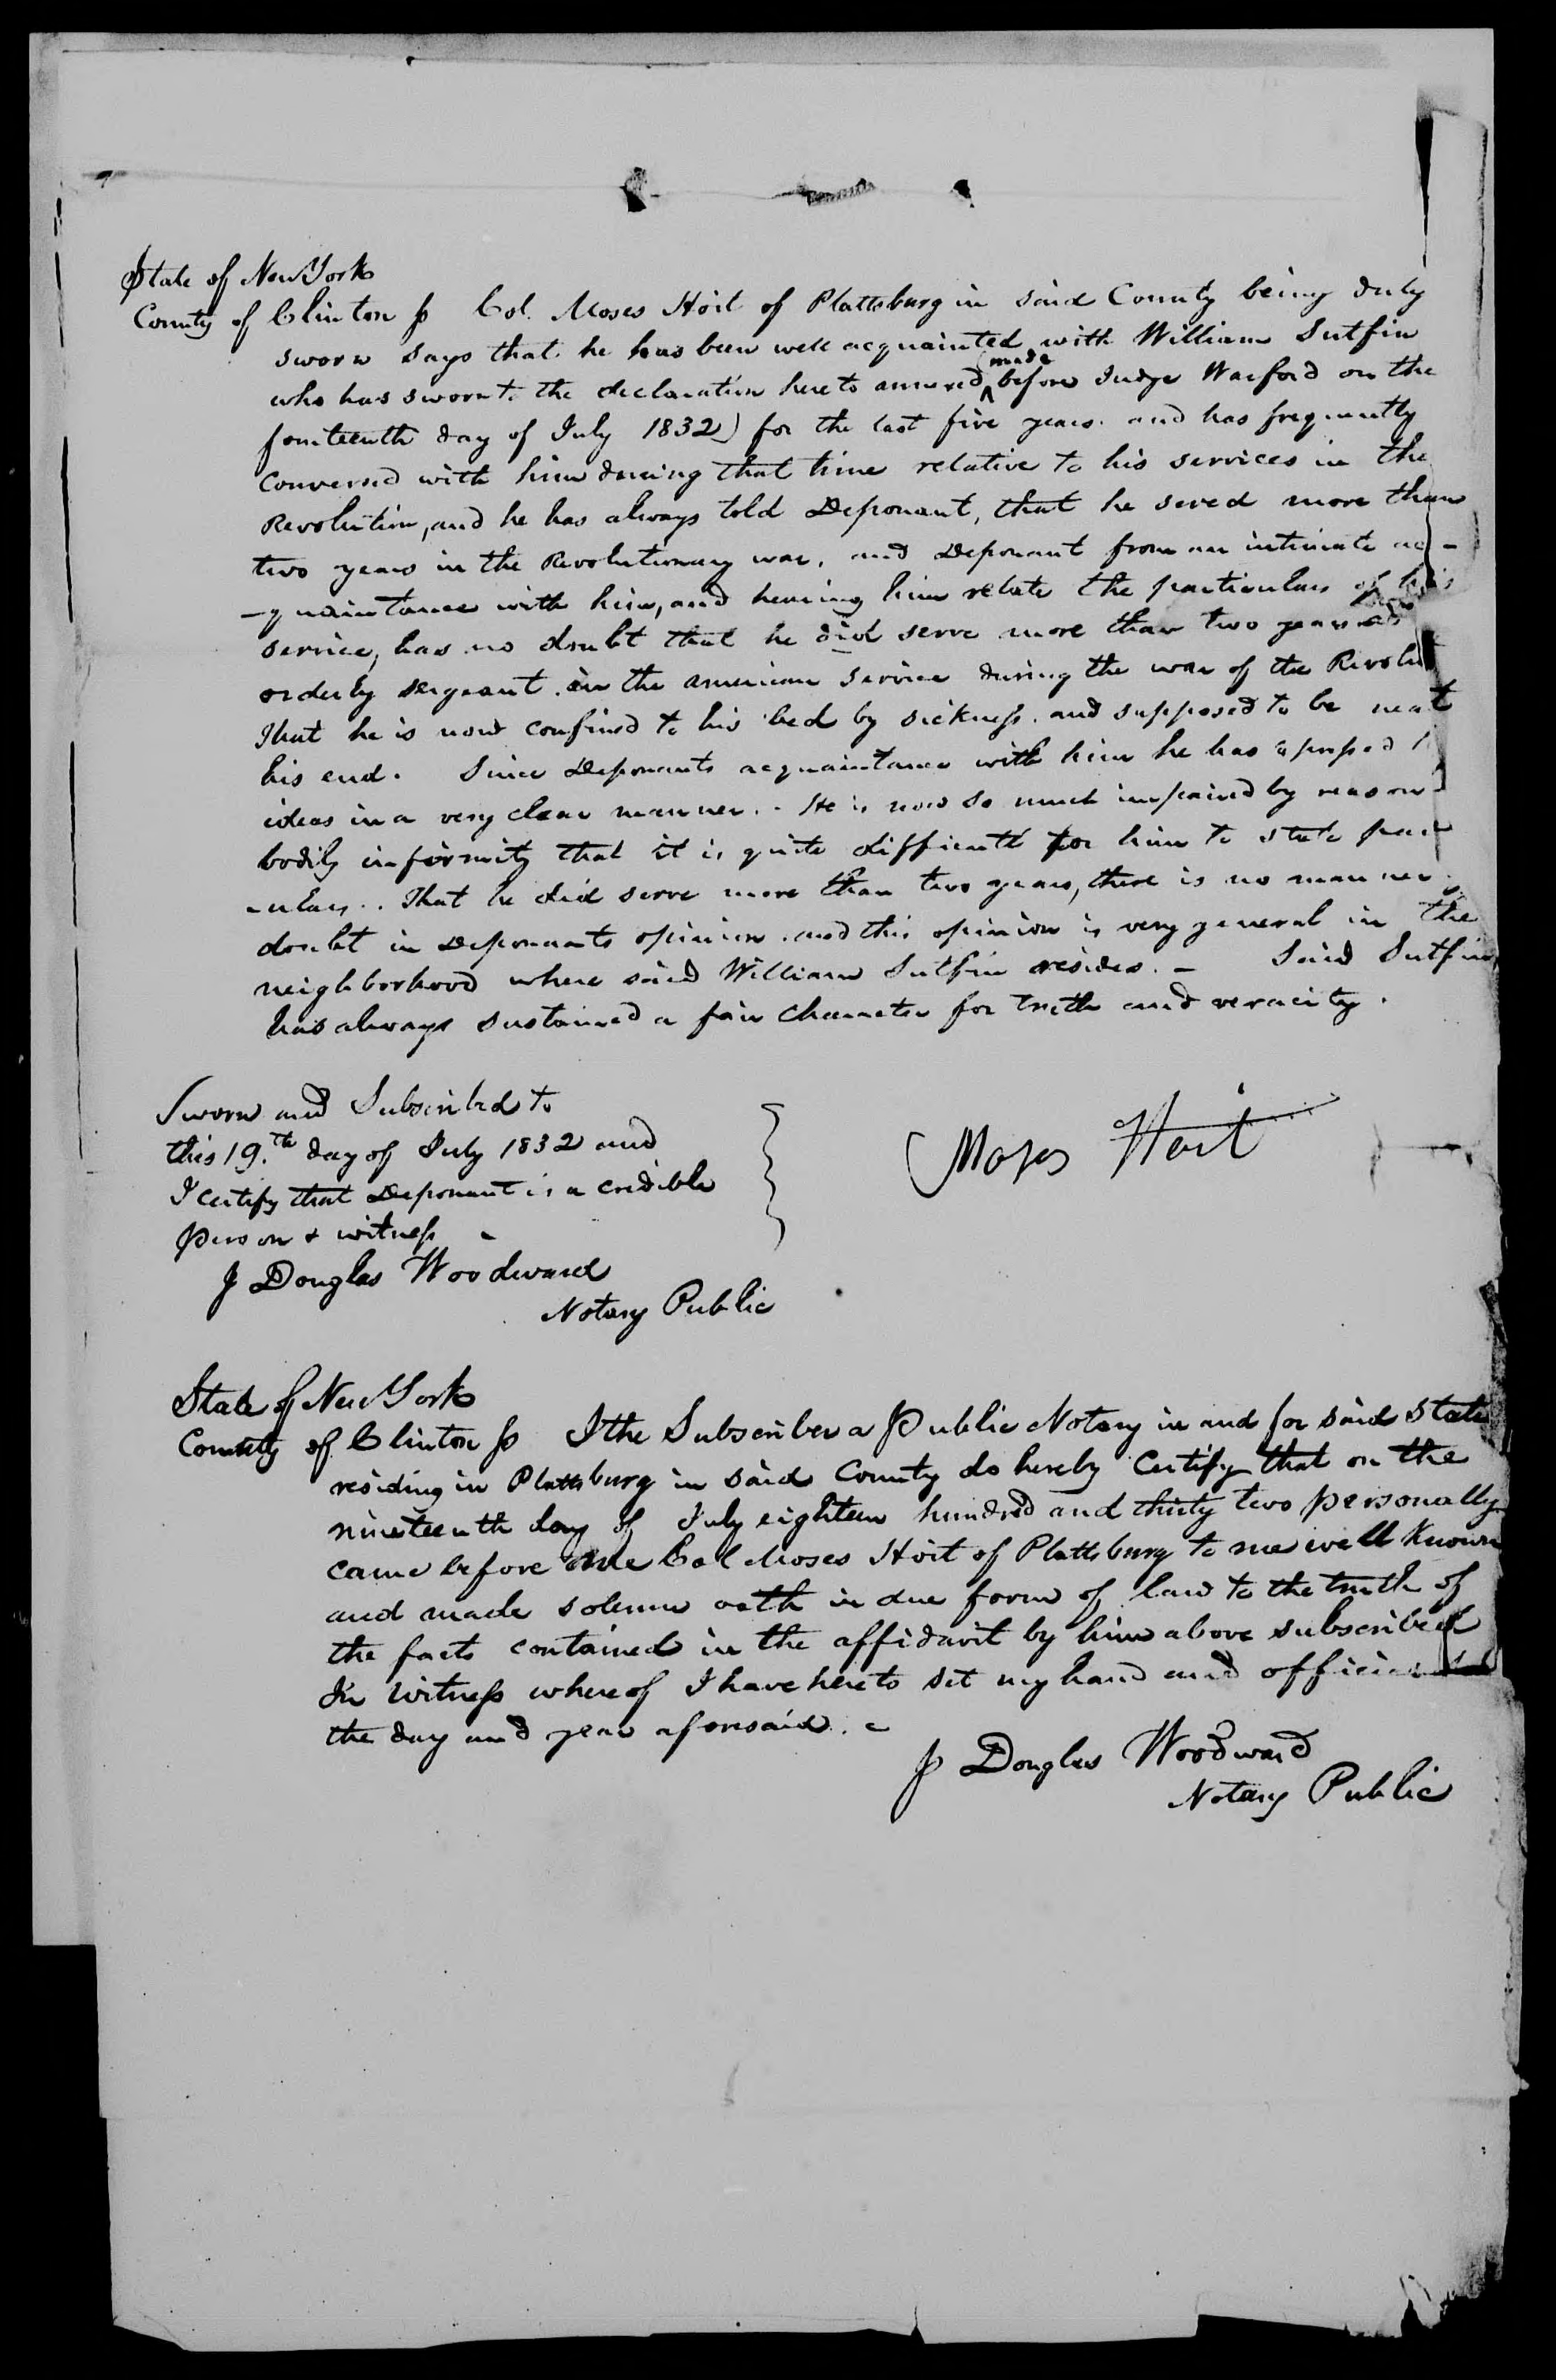State of New York
County of Clinton//

I, Moses Hart of Plattsburg, in said County being duly sworn says that he has been well acquainted with William Sutfin, who has sworn to the declaration hereto annexed, made before Judge Warford on the Fourteenth day of July 1832, for the last five years and has frequently conversed with him during that time relative to his services in the Revolution, and he has always told deponent that he served more than two years in the Revolutionary War, and deponent formed an intimate acquaintance with him, and hearing him relate the particulars of his service, has no doubt that he did serve more than two years as Orderly Sergeant in the American service during the war of the Revolution.

That he is now confined to his bed by sickness and supposed to be near his end. Since deponent's acquaintance with him he has expressed his ideas in a very clear manner. He is now so much impaired by reason bodily infirmity that it is quite difficult for him to state particulars. That he did serve more than two years, there is no man in doubt in deponent's opinion and this opinion is very general in the neighborhood where said William Sutfin resides. Said Sutfin has always sustained a fair character for truth and veracity.
s/ Moses Hart

Sworn and subscribed to this 19th day of July 1832 and I certify that deponent is a credible person & witness.
s/ J. Douglas Woodward, Notary Public

State of New York
County of Clinton//

I, the subscriber, a Public Notary in and for said State residing in Plattsburg in said County, do hereby certify that on the Nineteenth day of July Eighteen Hundred and Thirty two, personally came before me, Col. Moses Hart of Plattsburg, to me well known and made solemn oath in due form of law to the truth of the facts contained in the affidavit by him above subscribed. In witness whereof I have hereto set my hand and official seal the day and year aforesaid.
s/ J. Douglas Woodward, Notary Public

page: 5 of 11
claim: survivor's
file: S. 14628, for William Sutfin, New Jersey